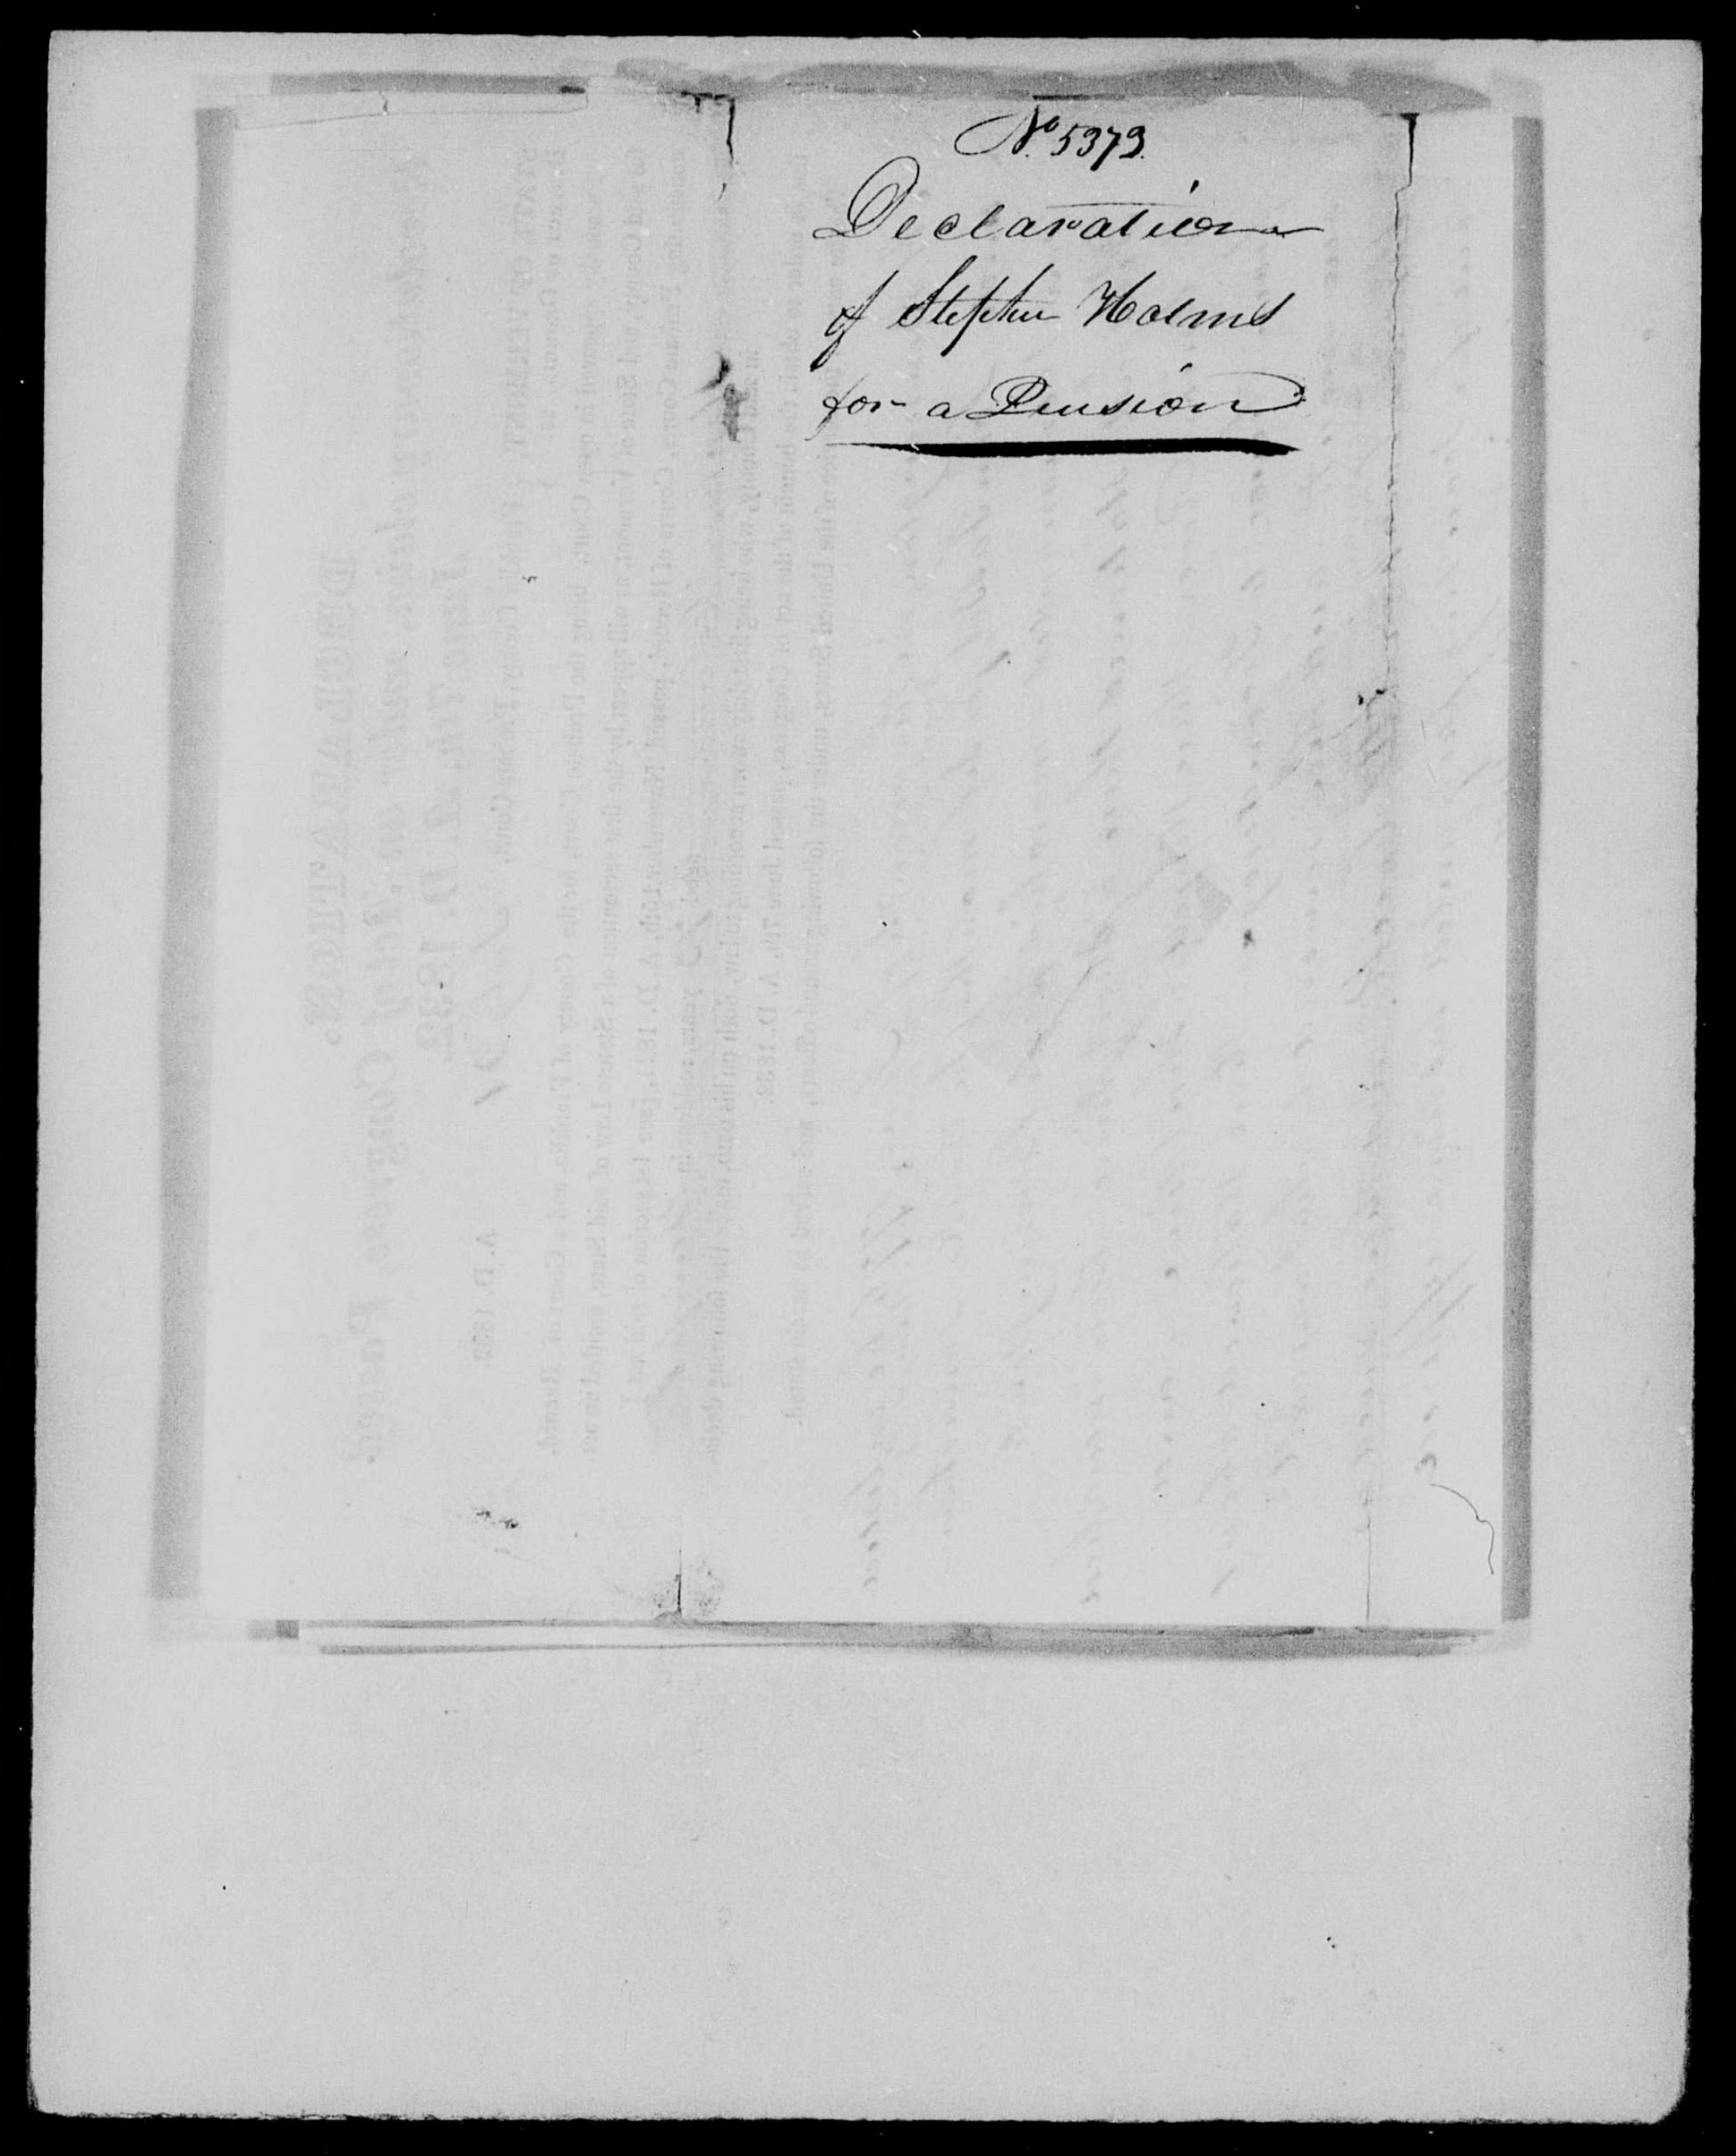No. 5373

Declaration of Stephen Holmes for a Pension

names: Stephen Holms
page: 39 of 72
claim: widow's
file: W. 7771, Stephen Holmes, Vt.